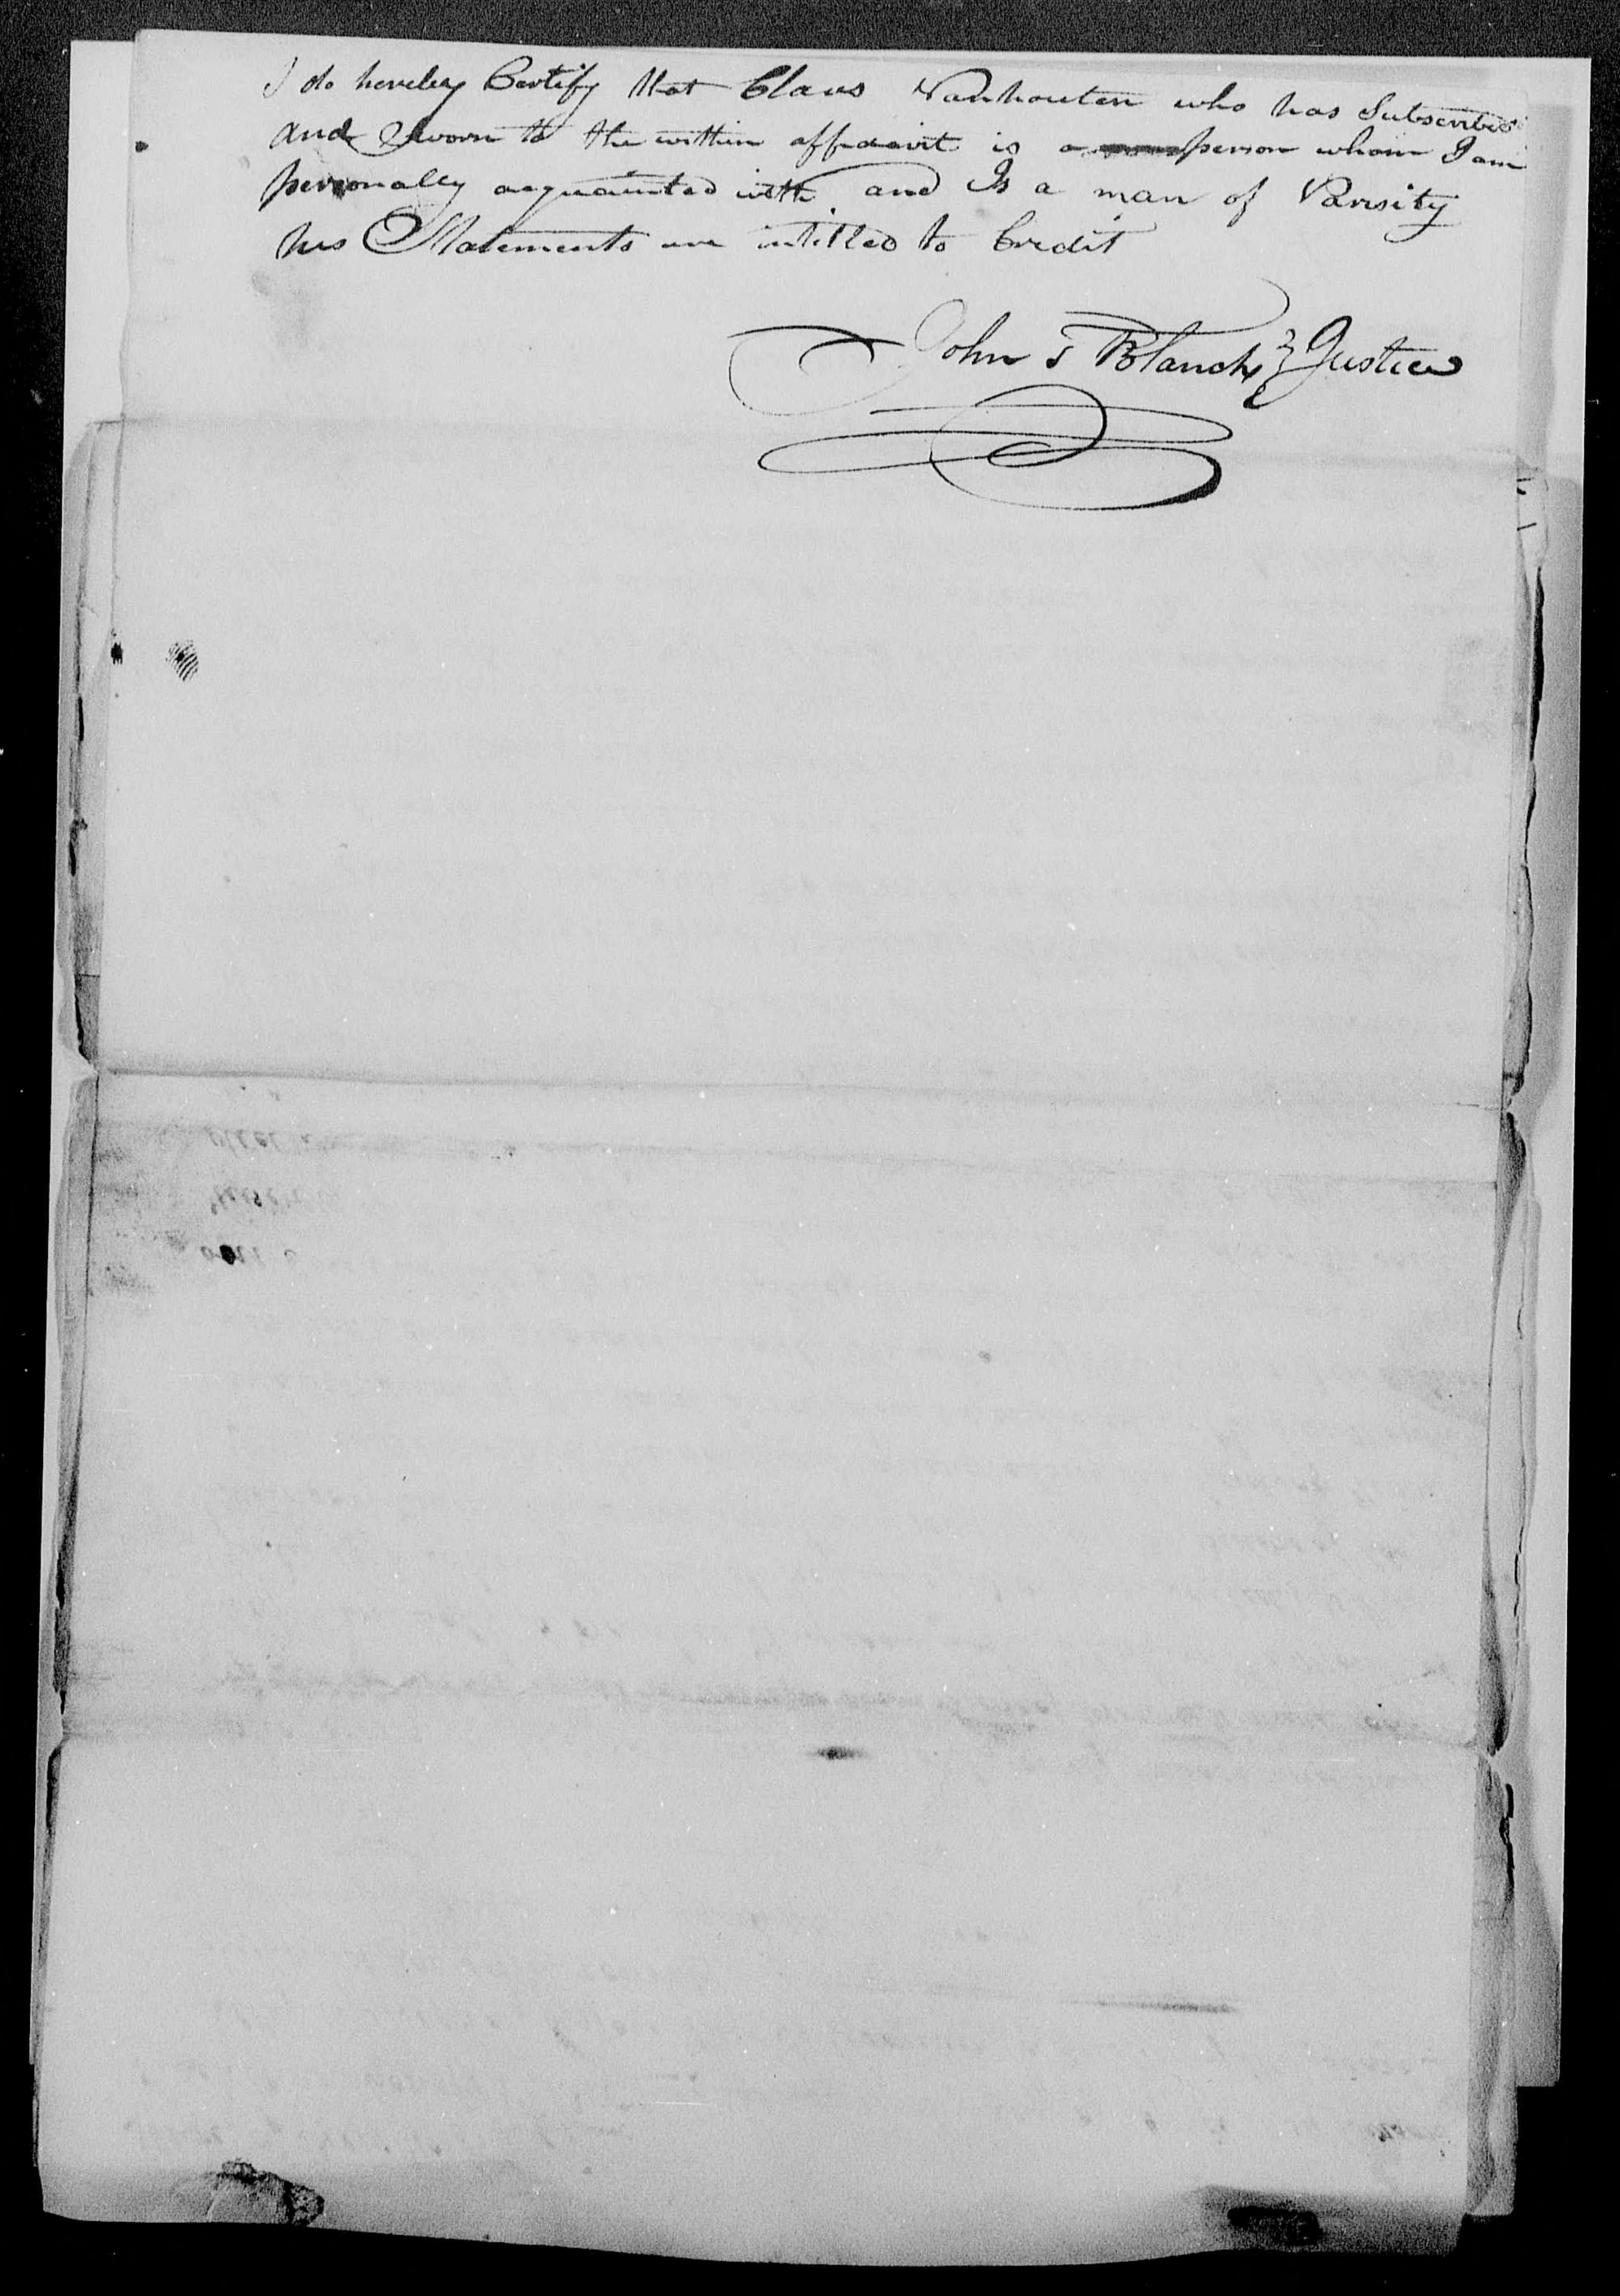I do hereby Certify that Claus Vanhouten who has subscribed and sworn to the written affidavit is a person whom I am personally acquainted with, and is a man of Viracity and Statements are intitled to Credit
[signed] John T Blanch Justice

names: John T Blanch, Claus Vanhouten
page: 18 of 33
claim: survivor's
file: S. 22,653, Harmanus Blauvelt, New York